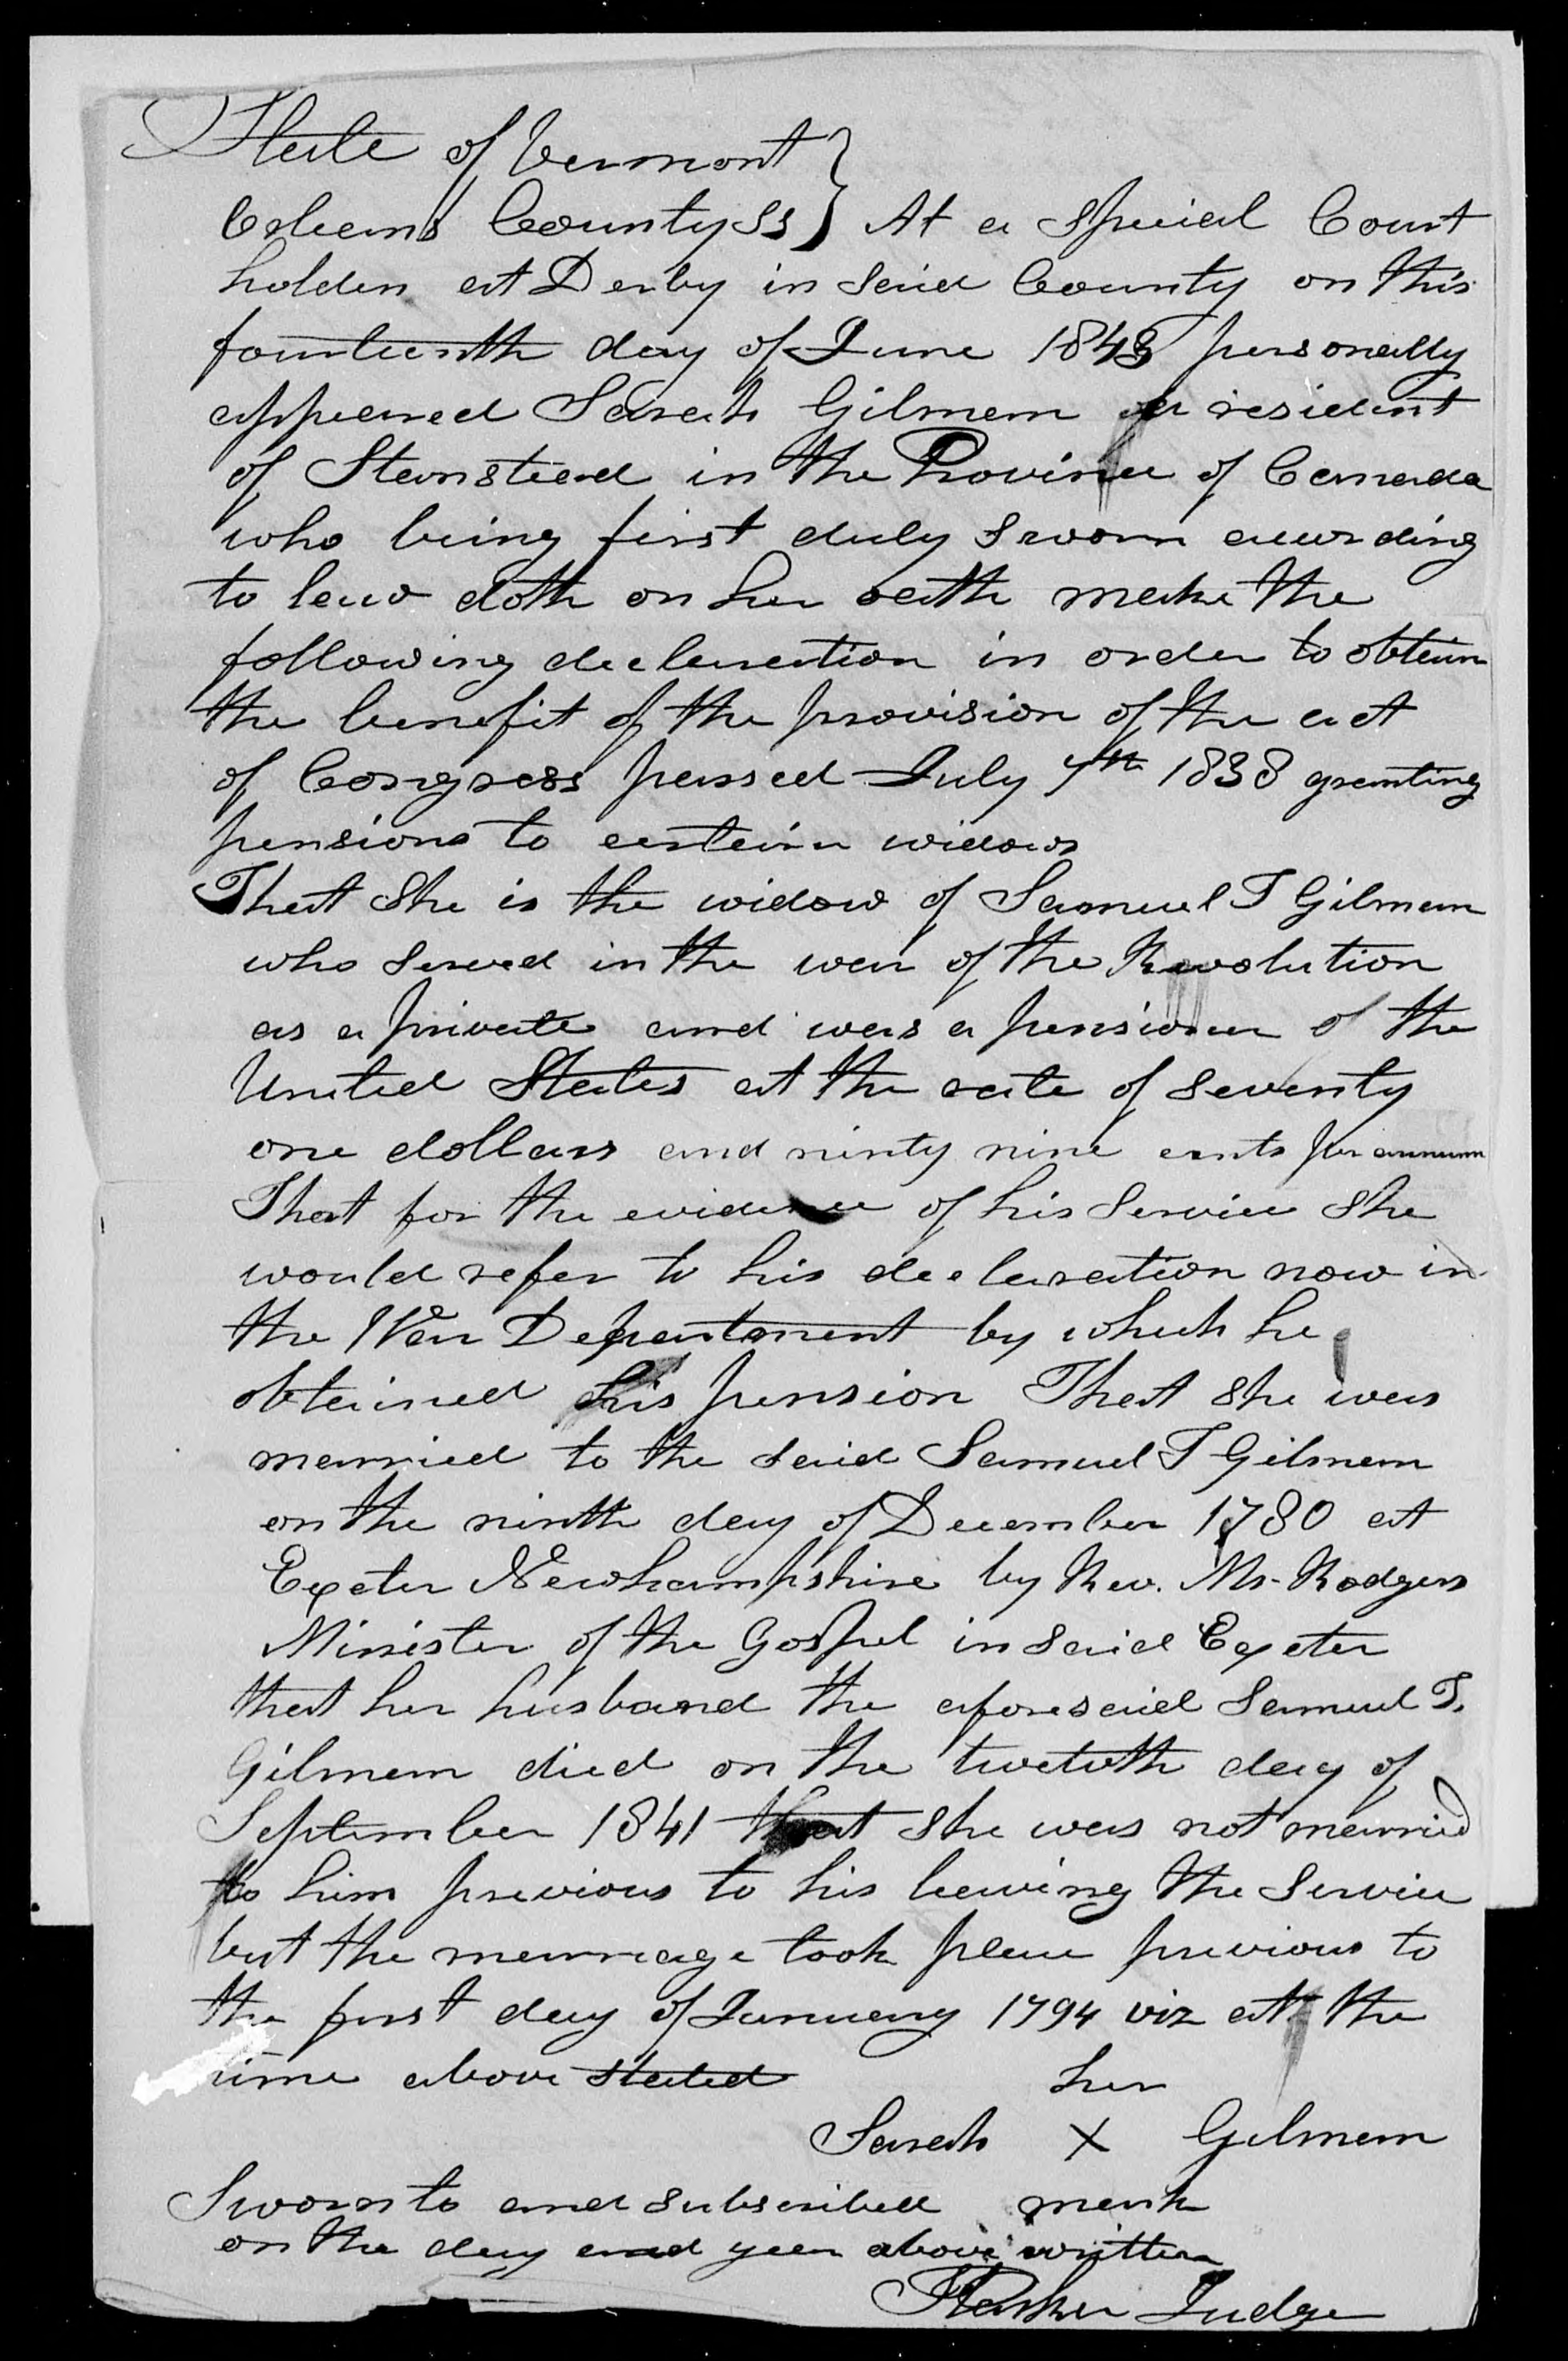State of Vermont
Orleans Couinty ss }
At a special Court holden at Derby in said County on this fourteenth day of June 1845 personally appeared Sarah Gilman a resident of Stanstead in the Province of Canada who bing first duly sword according to law doth on her oath make the following declaration in order to obtain the benefit of the provision of the act of Congress passed July 7 1838 granting pensions to certain widows
That she is the widow of Samuel T Gilman who served in the war of the Revolution as a private and was a pensioner of the United States at the rate of seventy dollars and ninty nine cents per annum That for the evidence of his service she would refer to his declaration now in the War Deaprtment by which he obtained his pension That she was merried to the said Samuel T Gilman on the ninth day of December 1780 at Exeter Newhampshire by Rev. Mr Rodgers Minister of the Gospel in said Exeter that her husband the aforesaid Samuel T Gilman died on the twelfth day of September 1841 that she was not merried to him previous to his leaving the service but the merriage took place previous to the first day of January 1794 viz at the time above stated
Sarah Gilman
her X mark
Sworn to and subscribed 
on the day and year above written
I Parker Judge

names: Sarah Gilman, Samuel T Gilman, Samuel T Gilman, Sarah Gilman, Rodgers, Sarah Gilman, Samuel T Gilman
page: 5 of 61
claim: widow's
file: W. 19500, Samuel Thing Gilman, Continental N.H.